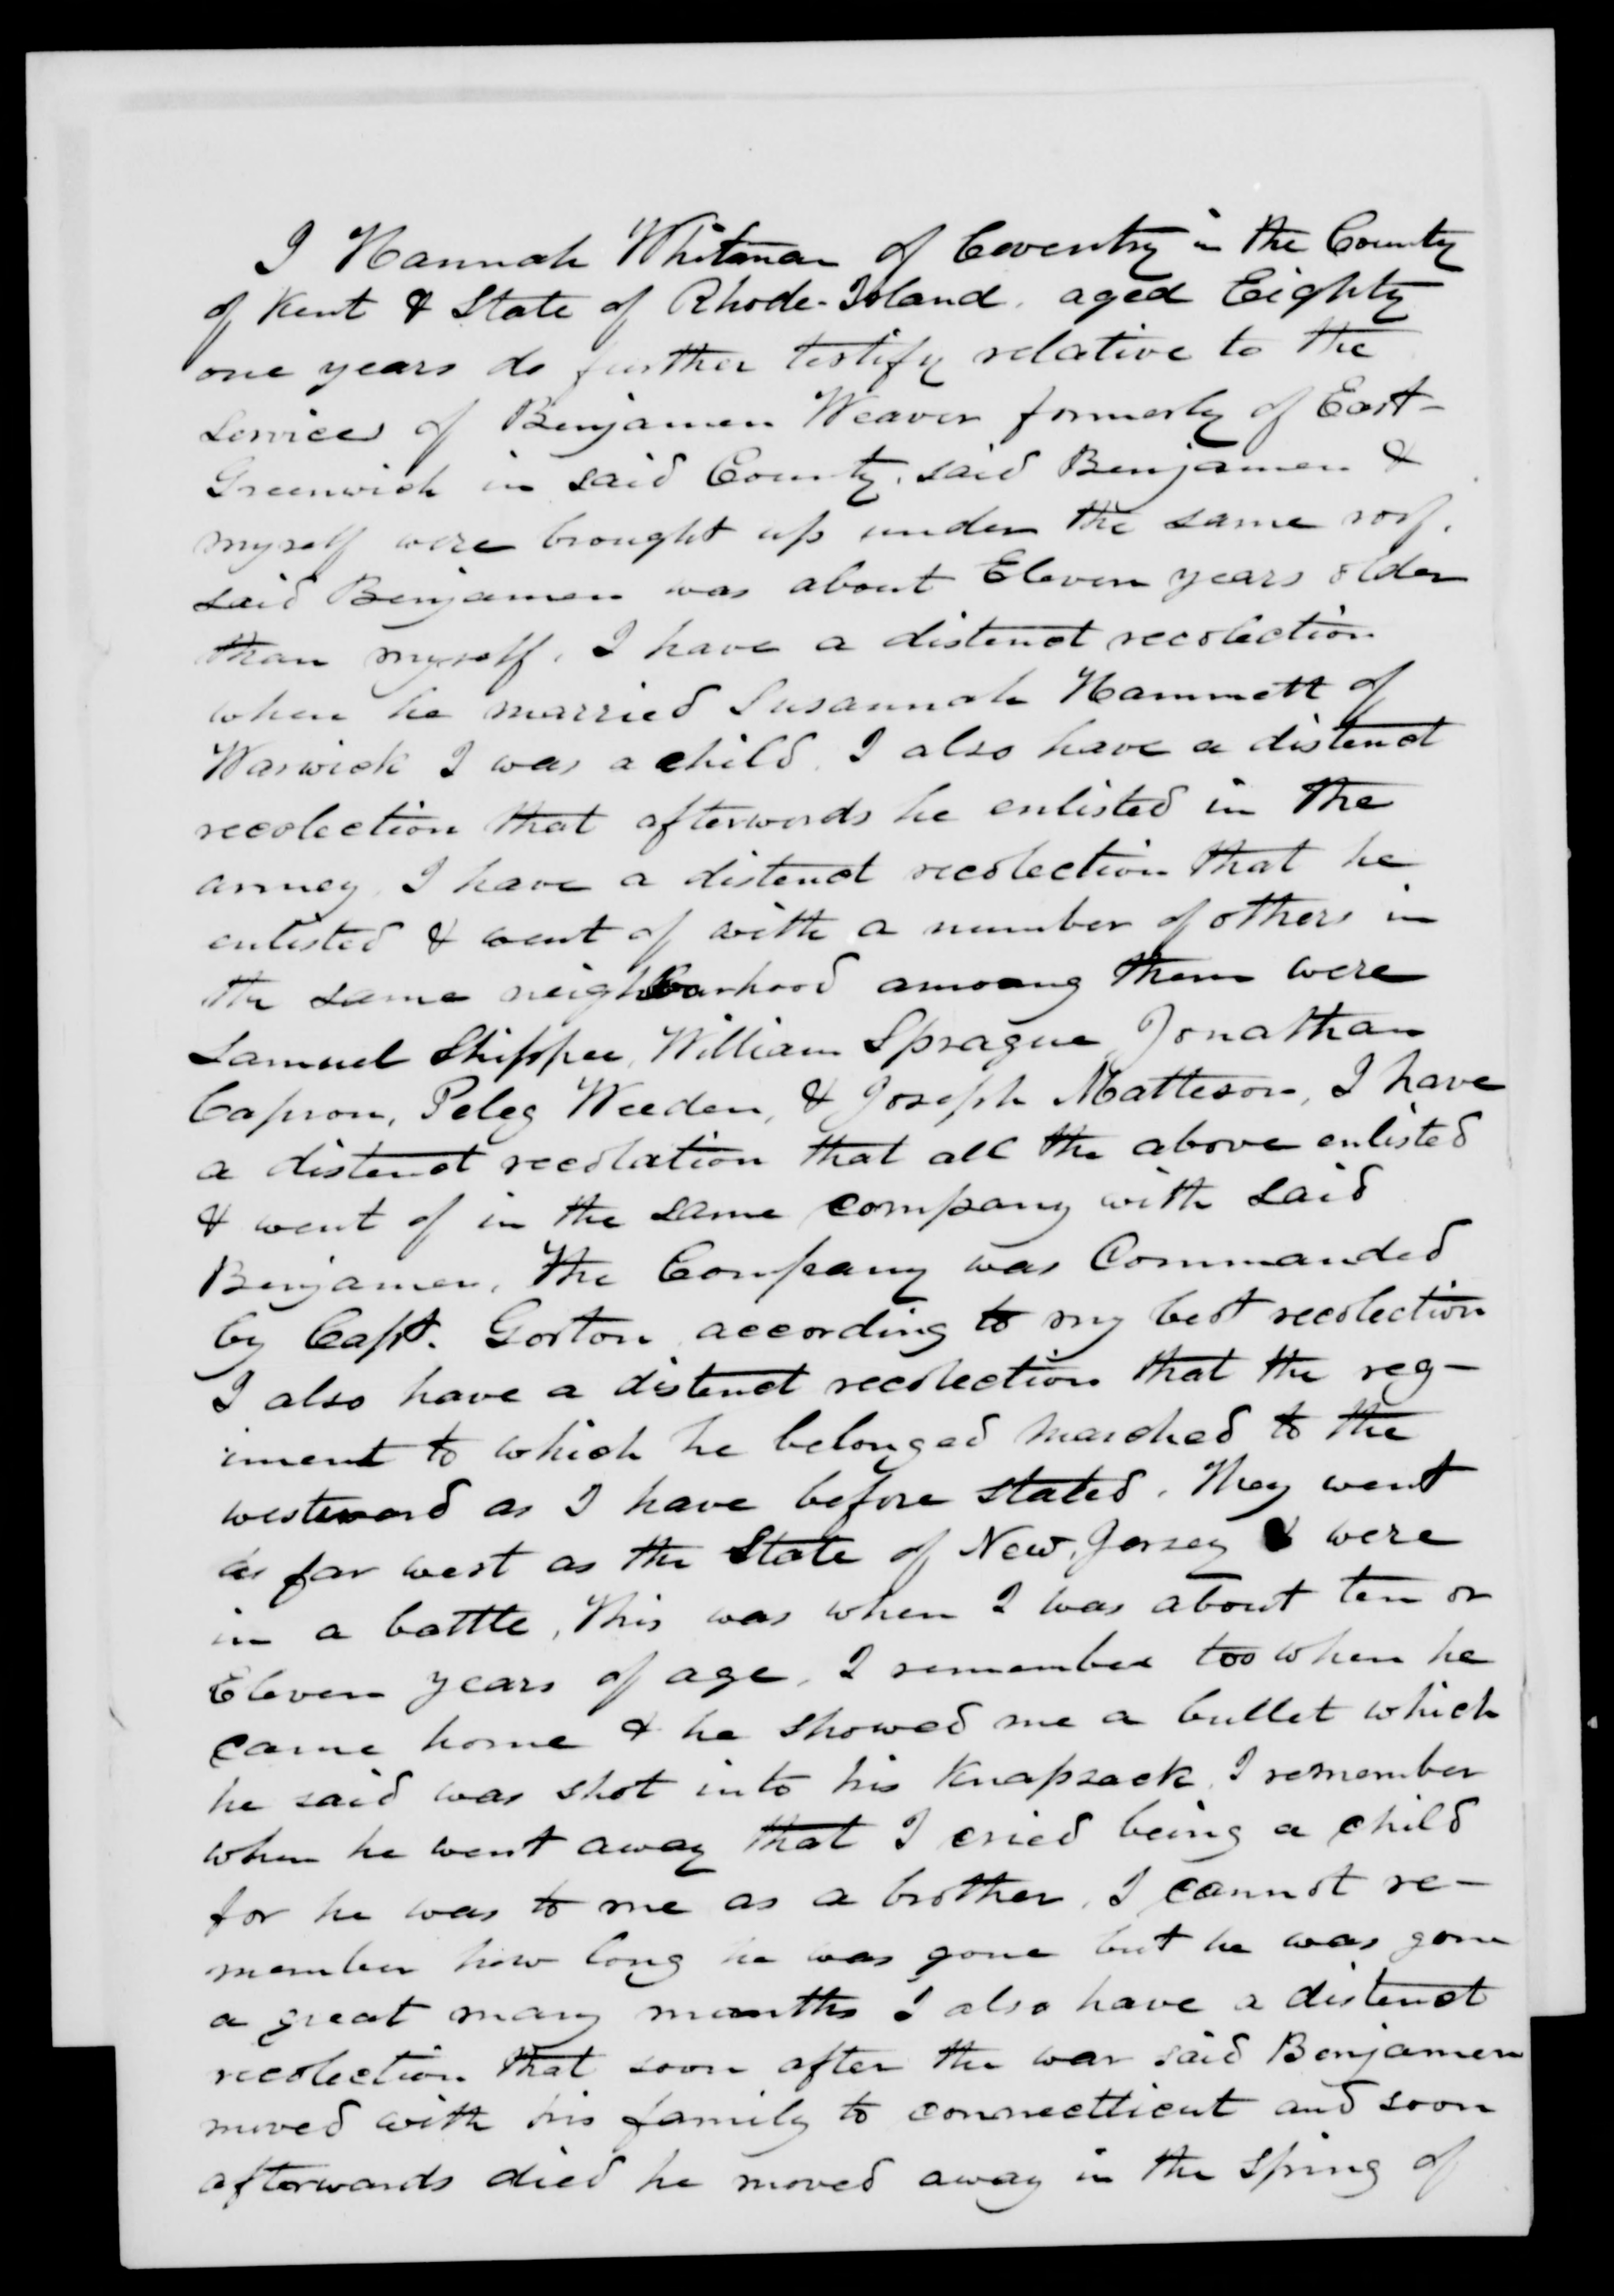I Hannah Whitman of Coventry in the County of Kent & State of Rhode Island aged eighty one years do further testify relative to the service of Benjamin Weaver formerly of East Greenwich in said County, said Benjamin & myself were brought up under the same roof. Said Benjamin was about Eleven years older than myself. I hae a distinct recollection when he married Susannah Hammet of Warwick I was a child. I also have a distinct recollection that afterwards he enlisted in the army. I have a distinct recollection that he enlisted & went of with a number of others in the same neighborhood among them were Samuel Shipper, William Sprague, Jonathan Capron, Peleg Weeden, & Joseph Mattison. I have a distinct recollection that all the above enlisted & went of in the same company with said Benjamin, The Company was Commanded by Captain. Gorton according to my best recollection. I also have a distinct recollection that the regiment to which he belonged marched to the westward as I have before stated. They went as far west as the State of New Jersey were in a battle. This was when I was about ten or eleven years of age. I remember too when he came home & showed me a bullet which he said was shot into his knapsack. I remember when he went away that I cried being a child for he was to me a brother. I cannot remember how long he was gone but he was gone a great many months. I also have a distinct recollection that soon after this war said Benjamin moved with his family to Connecticut and soon afterwards died he moved away in the spring of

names: Benjamin Weaver, Jonathan Capron, Peleg Weeden, Samuel Shipper, Gorton, Joseph Mattison, Hannah Whitman, William Sprague, Susannah Hammett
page: 19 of 53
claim: widow's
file: W 17707, Benjamin Weaver, R.I.